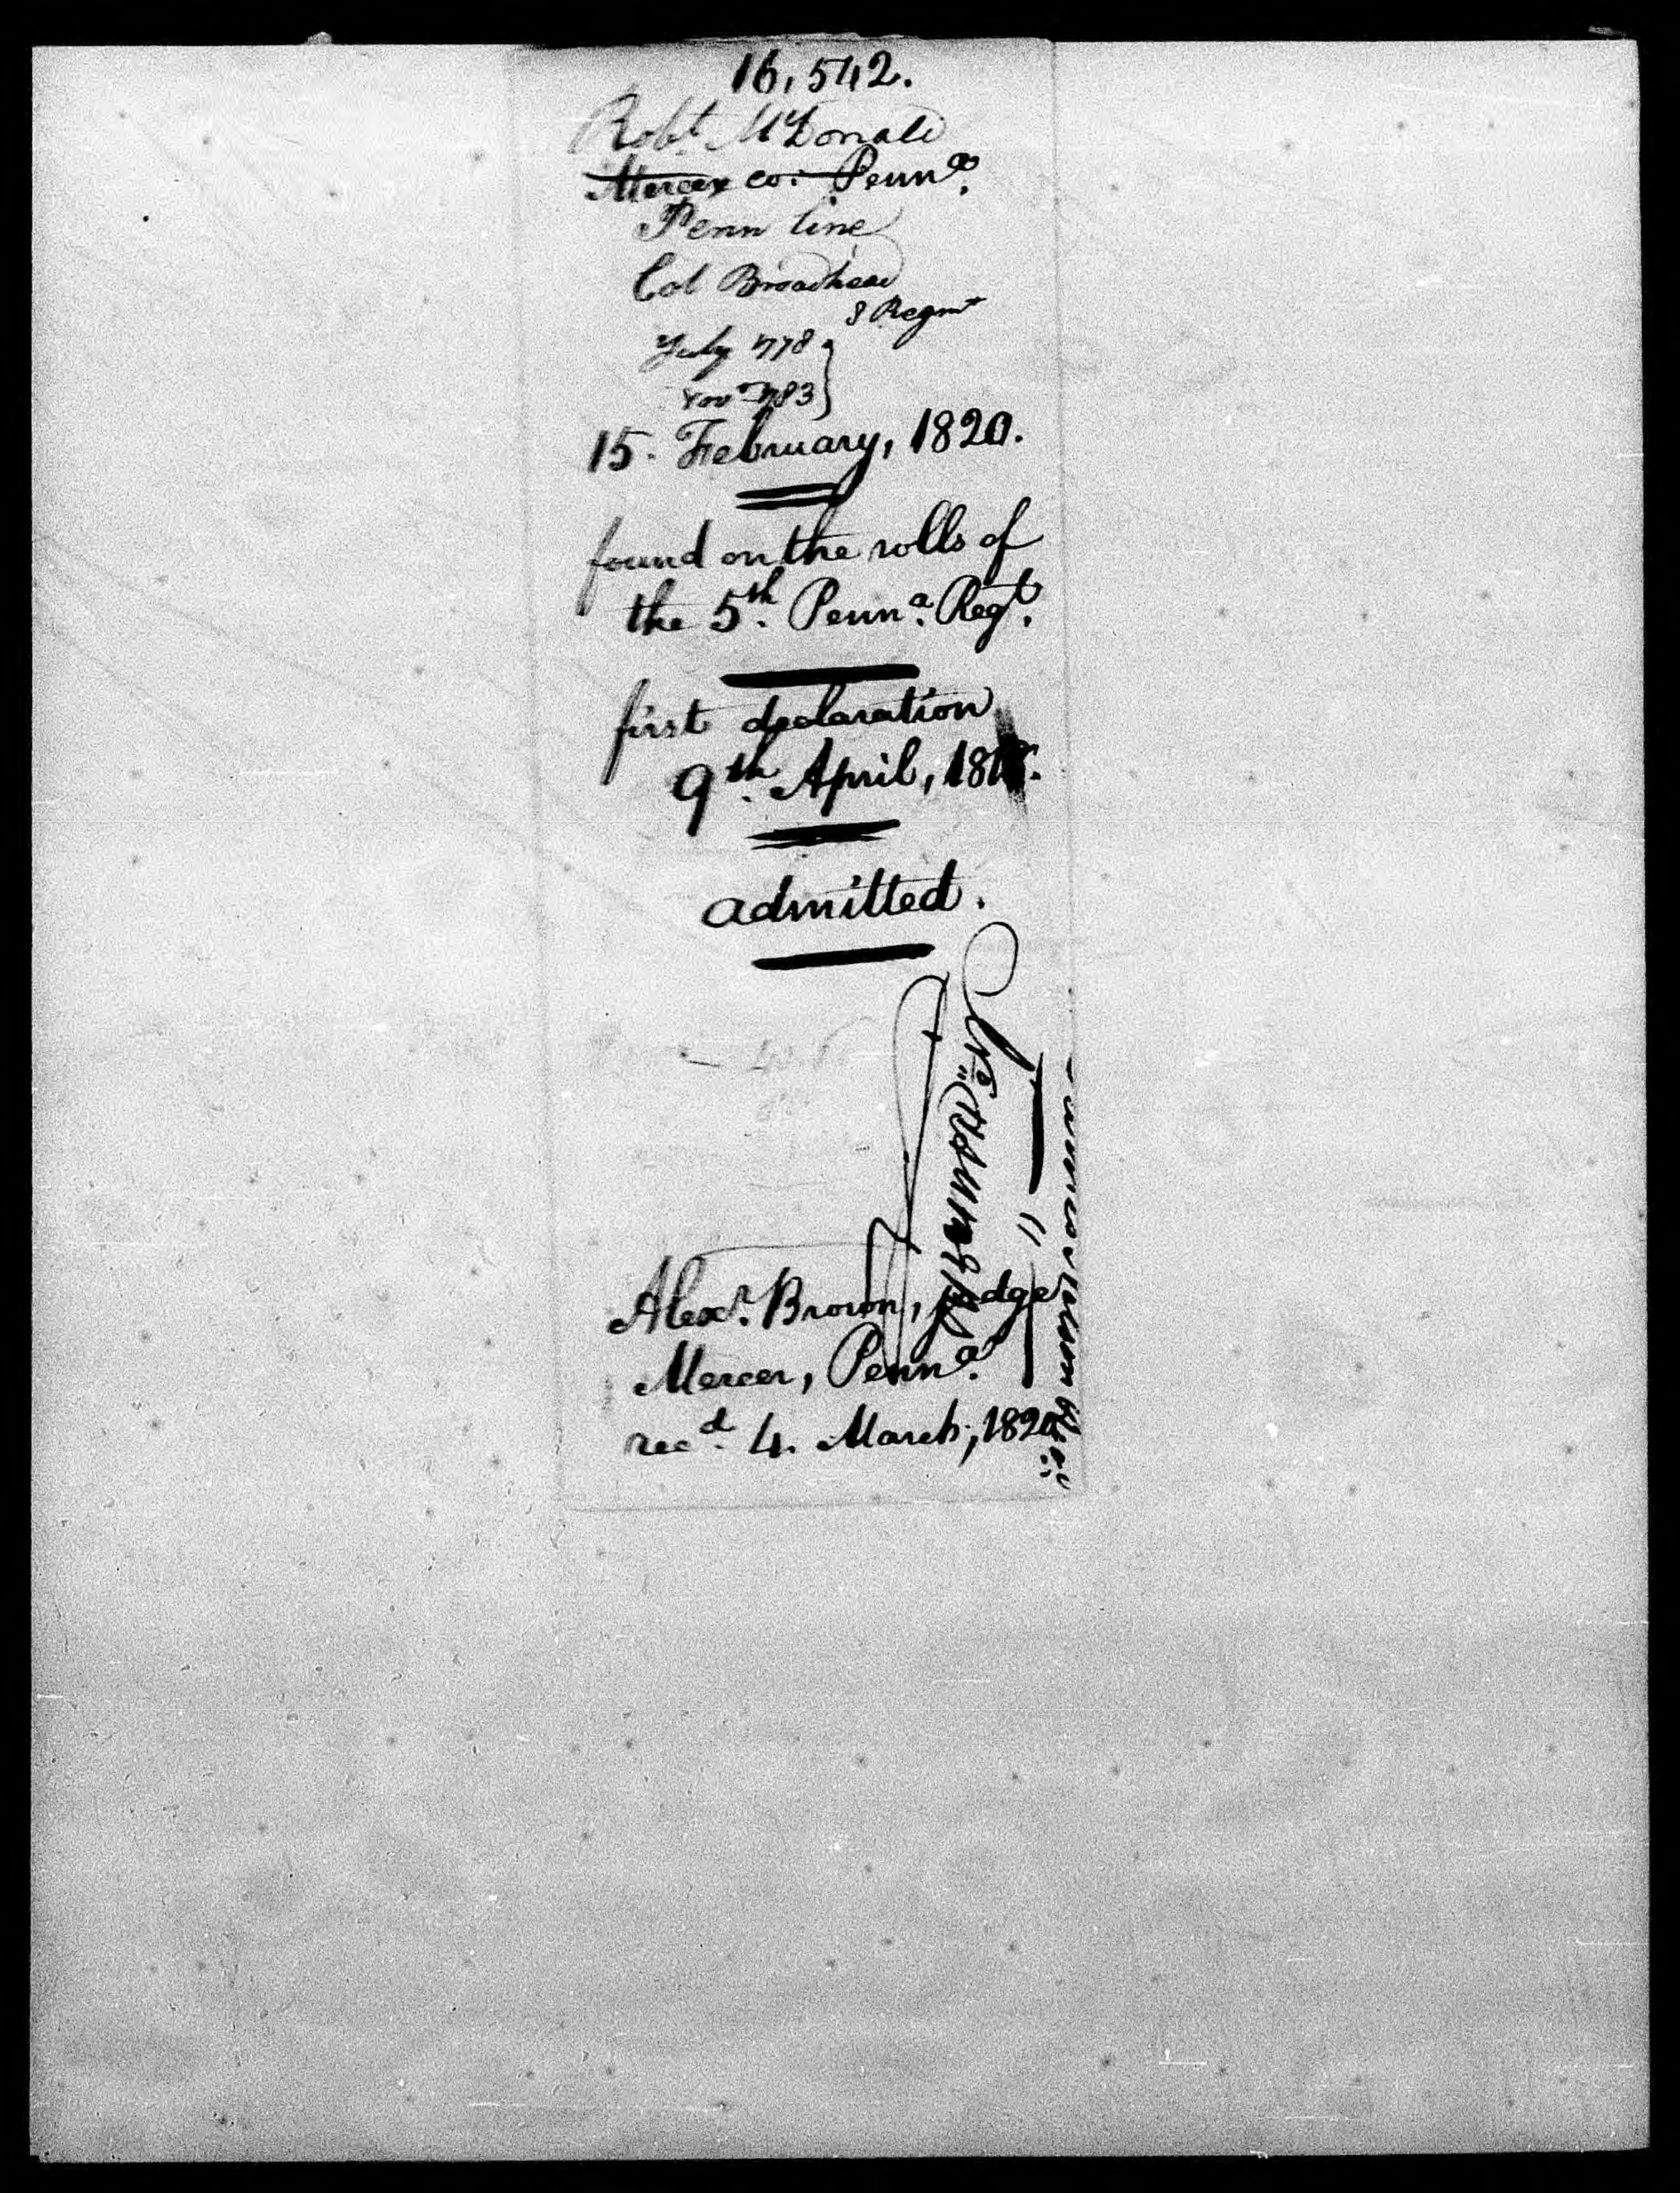16,542
Robert McDonald
Mercer Co. Penn'a
Penn Line
Colonel Breakers 3 Regmt
July 1778
Nov 1783
15 February 1820.
------------
found on the rolls of 
the 5th Penn'a Reg't 
------------
first declaration
9th April 1818
------------
admitted
------------
Alexander Brown, Judge 
Mercer, Penn'a
rec'd 4 March 1820

[illegible writing, right side, on edge]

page: 9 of 59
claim: widow's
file: W 3703, for Robert Mc Donald, Pennsylvania